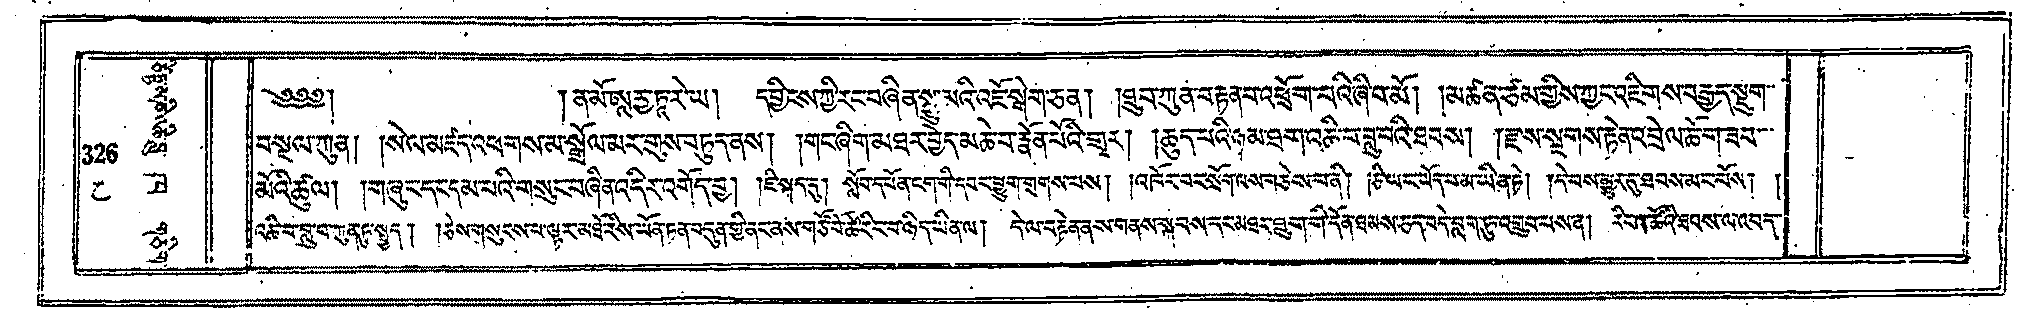༄༅༅། །ན་མོ་ཨཱརྱ་ཏཱ་རེ་ཡ། དབྱིངས་ཀྱི་རང་བཞིན་སྒྱུ་མའི་འཇོ་སྒེག་ཅན། །ཐུབ་ཀུན་བརྟན་པ་འཕྲོག་པའི་ཞི་བ་མོ། །མཚན་ཙམ་གྱིས་ཀྱང་འཇིགས་བརྒྱད་སྡུག་་་
བསྔལ་ཀུན། །སེལ་མཛད་འཕགས་མ་སྒྲོལ་མར་གུས་བཏུད་ནས། །གང་ཞིག་མཐར་བྱེད་མཆེ་བ་རྣོན་པོའི་གྲྭར། །ཆུད་པའི་ཉམ་ཐག་འཆི་བ་བླུ་བའི་ཐབས། །རྫས་སྔགས་རྟེན་འབྲེལ་ཆོ་ག་ཟབ་་་
མོའི་ཚུལ། །གཞུང་དང་དམ་པའི་གསུང་བཞིན་འདིར་འགོད་བྱ། །ཇི་སྐད་དུ། སློབ་དཔོན་ངག་གི་དབང་ཕྱུག་གྲགས་པས། །འཁོར་བར་སྲོག་ལས་གཅེས་པ་ནི། །ཅི་ཡང་ཡོད་པ་མ་ཡིན་ཏེ། །དེ་བས་མྱུར་དུ་ཐབས་མང་པོས། །
འཆི་བ་བླུ་བ་ཀུན་ཏུ་སྤྱད། །ཅེས་གསུངས་པ་ལྟར་མཐོ་རིས་ཡོན་ཏན་བདུན་གྱི་ནང་ནས་གཙོ་བོ་ཚེ་རིང་བ་ཉིད་ཡིན་ལ། དེ་ལ་བརྟེན་ནས་གནས་སྐབས་དང་མཐར་ཐུག་གི་དོན་ཐམས་ཅད་བདེ་བླག་ཏུ་འགྲུབ་པས་ན། རིང་འཚོའི་ཐབས་ལ་འབད་་་